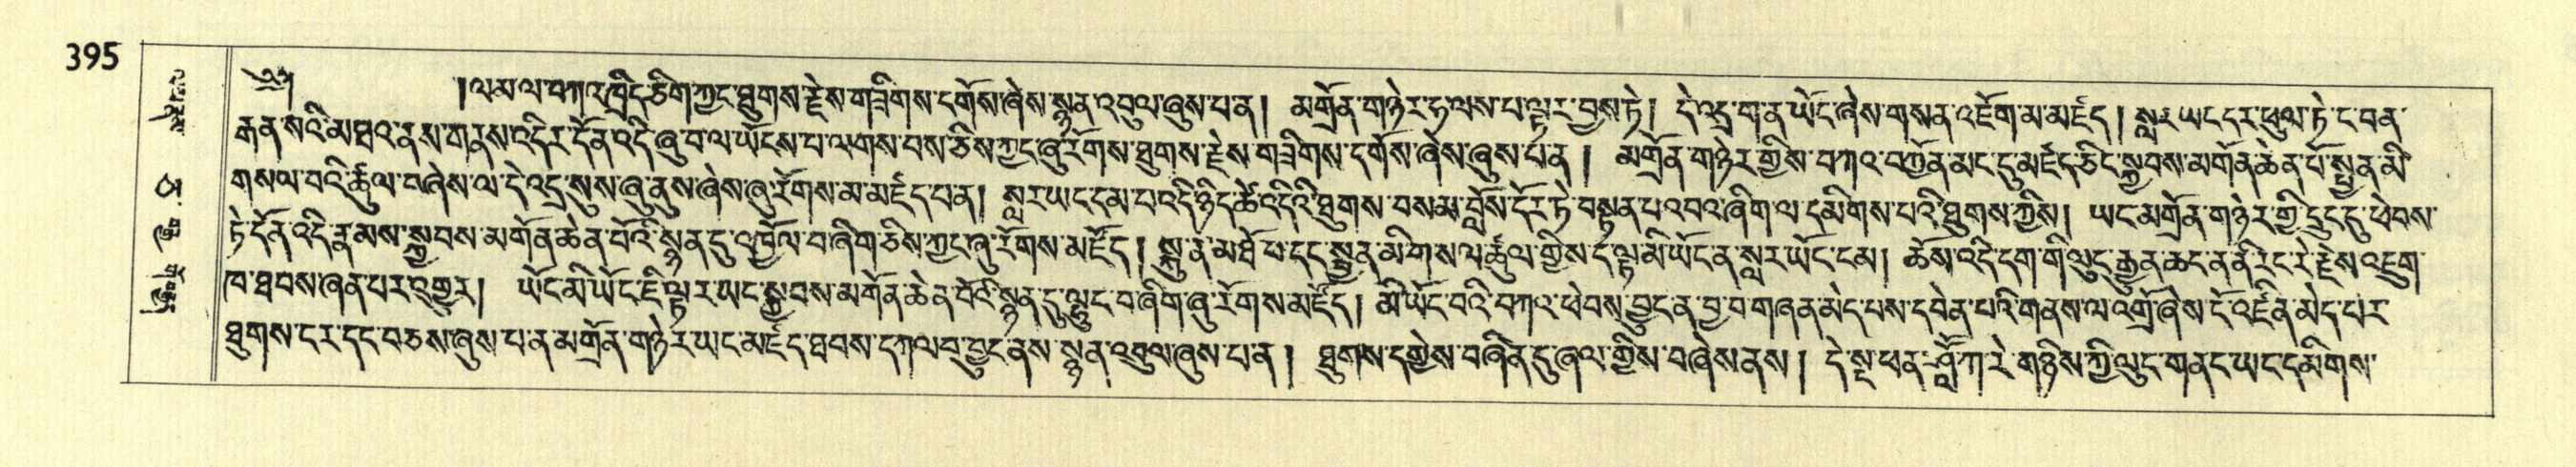༄༅། །ལམ་ལ་བཀའ་ཁྲིད་ཅིག་ཀྱང་ཐུགས་རྗེས་གཟིགས་དགོས་ཞེས་སྙན་འབུལ་ཞུས་པ་ན། མགྲོན་གཉེར་ཧ་ལས་པ་ལྟར་བྱས་ཏེ། དེ་འདྲ་ག་ན་ཡོང་ཞེས་གསན་འཇོག་མ་མཛད། སླར་ཡང་དར་ཕུལ་ཏེ་ང་བན་
རྒན་སའི་མཐའ་ནས་གནས་འདིར་དོན་འདི་ཞུ་བ་ལ་ཡོངས་པ་ལགས་བས་ཅིས་ཀྱང་ཞུ་རོགས་ཐུགས་རྗེས་གཟིགས་དགོས་ཞེས་ཞུས་པ་ན། མགྲོན་གཉེར་གྱིས་བཀའ་བཀྱོན་མང་དུ་མཛད་ཅིང་སྐྱབས་མགོན་ཆེན་པོ་སྤྱན་མི་
གསལ་བའི་ཚུལ་བཞེས་ལ་དེ་འདྲ་སུས་ཞུ་ནུས་ཞེས་ཞུ་རོགས་མ་མཛད་པ་ན། སླར་ཡང་དམ་པ་འདི་ཉིད་ཚེ་འདིའི་ཐུགས་བསམ་བློས་དོར་ཏེ་བསྟན་པ་འབའ་ཞིག་ལ་དམིགས་པའི་ཐུགས་ཀྱིས། ཡང་མགྲོན་གཉེར་གྱི་དྲུང་དུ་ཕེབས་
ཏེ་དོན་འདི་རྣམས་སྐྱབས་མགོན་ཆེན་པོའི་སྙན་དུ་འཁྱོལ་བ་ཞིག་ཅིས་ཀྱང་ཞུ་རོགས་མཛོད། སྐུ་ན་མཐོ་པ་དང་སྦྱན་མི་གསལ་ཚུལ་གྱིས་ད་ལྟ་མི་ཡོང་ན་སླར་ཡོང་ངམ། ཆོས་འདི་དག་གི་ལུང་རྒྱུན་ཆད་ན་ནི་རང་རེ་རྗེས་འཇུག་
ཁ་ཐབས་ཞན་པར་འགྱུར། ཡོང་མི་ཡོང་ཇི་ལྟར་ཡང་སྐྱབས་མགོན་ཆེན་བོའི་སྙན་དུ་ལྷུང་བ་ཞིག་ཞུ་རོགས་མཛོད། མི་ཡོང་བའི་བཀའ་ཕེབས་བྱུང་ན་བྱ་བ་གཞན་མེད་པས་དབེན་པའི་གནས་ལ་འགྲོ་ཞེས་ངོ་འཛིན་མེད་པར་
ཐུགས་ངར་དང་བཅས་ཞུས་པ་ན་མགྲོན་གཉེར་ཡང་མཛད་ཐབས་དཀལ་བ་བྱུང་ནས་སྙན་འབུལ་ཞུས་པ་ན། ཐུགས་དགྱེས་བཞིན་དུ་ཞལ་གྱིས་བཞེས་ནས། དེ་སྔ་ཕན་ཤླཽ་ཀ་རེ་གཉིས་ཀྱི་ལུང་གནང་ཡང་དམིགས་